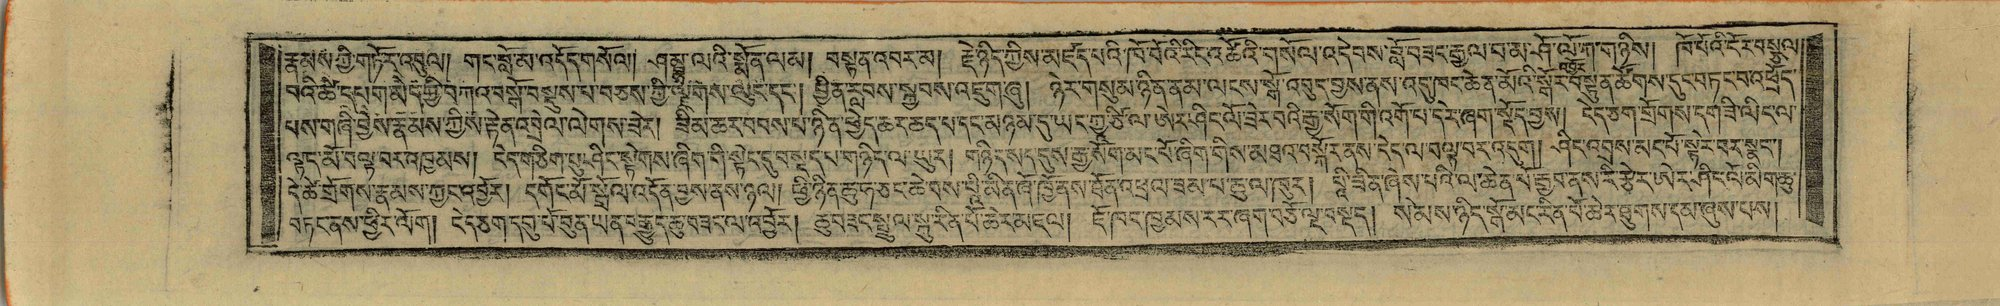རྣམས་ཀྱི་གཏོར་འབུལ། གང་བློ་མ་འདོད་གསོལ། ཤམྦྷ་ལའི་སྨོན་ལམ། བསྟན་འབར་མ། རྗེ་ཉིད་ཀྱིས་མཛད་པའི་ཁོ་བོའི་རིང་འཚོའི་གསོལ་འདེབས་བློ་བཟང་རྒྱལ་བ་མ་ཤོ་ལོ་ཀ་གཉིས། ཁོ་པོའི་ངོར་བསྩལ་
བའི་ཚེ་དཔག་མེད་ཀྱི་བཀའ་བསྒོ་བསྡུས་པ་བཅས་ཀྱི་ལྗགས་ལུང་དང་། བྱིན་རླབས་སྐྱབས་འཇུག་ཞུ། ཉེར་གསུམ་ཉིན་ནམ་ལངས་སྒོ་འབུད་བྱས་ནས་འདུ་ཁང་ཆེན་མོའི་སྒོར་འབྱོར་བསྟུན་ཚོགས་དུང་བཏང་བ་འཕྲོད་
པས་གཞི་བྱེས་རྣམས་ཀྱིས་རྟེན་འབྲེལ་ལེགས་ཟེར། ཟིམ་ཆར་བབས་པ་ཉིན་ཕྱེད་ཚར་ཆད་པ་དང་མཉམ་དུ་ཡང་ཀྱཱ་ཙི་ལ་ཨེར་ཤིང་ལོ་ཟེར་བའི་རྒྱ་སོག་གི་འགོ་པ་དེར་ཞག་སྡོད་བྱས། ངེད་ཅག་གྲོགས་དག་ཟི་ལིང་ལ་
ལྟད་མོ་བལྟ་བར་འཁྱམས། ངེད་གཅིག་པུ་ཤིང་སྟེགས་ཞིག་གི་སྟེང་དུ་བསྡད་པ་གཉིད་ལ་ཡུར། གཉིད་སད་དུས་རྒྱ་སོག་མང་པོ་ཞིག་གིས་མཐའ་བསྐོར་ནས་ངེད་ལ་བལྟ་བར་འདུག །ཤིང་འབྲས་མང་པོ་སྟེར་བར་སྣང་།
དེ་ཚེ་གྲོགས་རྣམས་ཀྱང་འབྱོར། དགོང་མོ་སྒྲོལ་འདོན་བྱས་ནས་ཉལ། ཕྱི་ཉིན་ཆུ་ཧ་ཅང་ཆེ་བས་པའི་མིན་ཞོ་ཁྱོ་ནས་ཐོན་འཕྲལ་ཟམ་པ་ཆུ་ལ་ཁུར། པཱི་ཟིན་ཞེས་པའི་ལ་ཆེན་པོ་རྒྱབ་ནས་རི་རྩེར་ཨེར་ཤིང་ལོ་མིག་ཆུ་
བཏང་ནས་ཕྱིར་ལོག །ངེད་ཅག་དགུ་པོ་བུན་ཡན་བརྒྱུད་ཆུ་བཟང་ལ་འབྱོར། ཆུ་བཟང་སྤྲུལ་སྐུ་རིན་པོ་ཆེར་མཇལ། ཇོ་ཁང་ཁྱམས་རར་ཞག་བཅོ་ལྔ་བསྡད། སེམས་ཉིད་སྒོ་མང་རིན་པོ་ཆེར་ཐུགས་དམ་ཞུས་པས།